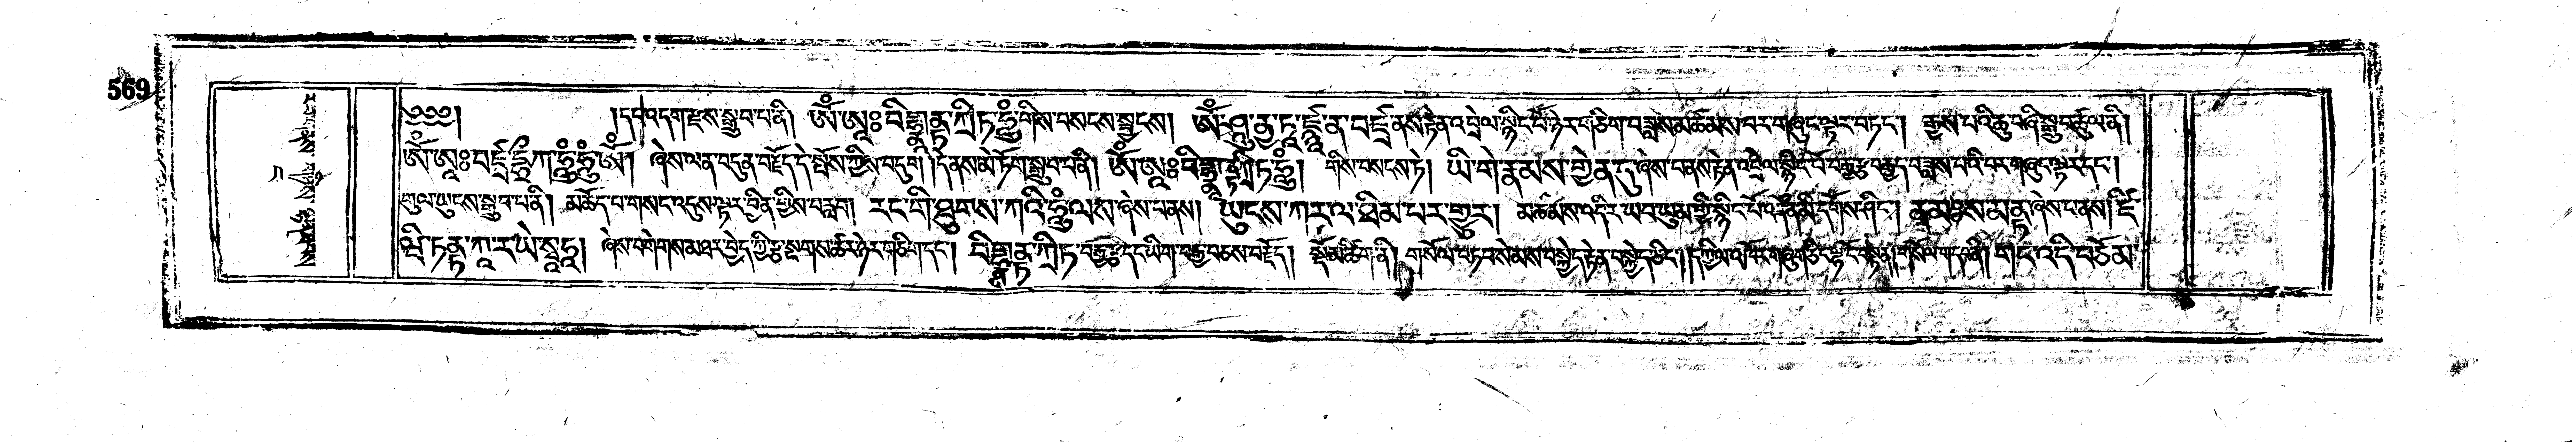༄༅༅། །དང་འདག་རྫས་སྒྲུབ་པ་ནི། ཨོཾ་ཨཱཿབིགྷྣཱནྟ་ཀྲིཏ་ཧཱུཾ་གིས་བསངས་སྦྱངས།  ཨོཾ་ཤཱུ་ནྱ་ཏཱ་ཛྙཱ་ན་བཛྲ་ནས་རྟེན་འབྲེལ་སྙིང་པོ་ཉེར་གཅིག་བཟླས་མཚམས་བར་གཞུང་ལྟར་བཏང་། རྒྱས་པའི་ཆུ་བཞི་སྒྲུབ་ཚུལ་ནི།
ཨོཾ་ཨཱཿབཛྲདྷྲྀ་ཀ་ཧཱུཾ་ཧཱུཾ་ཨོཾ། ཞེས་ལན་བདུན་བརྗོད་དེ་སྤོས་ཀྱིས་བདུག །དེ་ནས་མེ་ཏོག་སྒྲུབ་པ་ནི།  ཨོཾ་ཨཱཿབིགྷྣཱ་ནྟྐྲིཏ་ཧཱུཾ། གིས་བསངས་ཏེ།  ཡི་གེ་རྣམས་གྱེན་དུ་ཞེས་པ་ནས་རྟེན་འབྲེལ་སྙིང་པོ་བརྒྱ་རྩ་བརྒྱད་བཟླས་པའི་བར་གཞུང་ལྟར་དང་།
གུལ་ཡུངས་སྒྲུབ་པ་ནི། མཆོད་པ་གསང་འདུས་ལྟར་བྱིན་གྱིས་བརླབ། རང་གི་ཐུགས་ཀའི་ཧཱུཾ་ལས་ཞེས་པ་ནས།  ཡུངས་ཀར་ལ་ཐིམ་པར་གྱུར། མཚམས་འདིར་ཡབ་ཡུམ་གྱི་སྙིང་པོ་འདོན་མི་དགོས་ཤིང་།  ནམཿསམནྟ་ཞེས་པ་ནས།  ཛི་
ཝི་ཏནྟ་ཀཱ་ར་ཡེ་སྭཱཧཱ། ཞེས་བགེགས་མཐར་བྱེད་ཀྱི་རྩ་སྔགས་ཚར་ཉེར་གཅིག་དང་།  བིགྷནྟ་ཀྲི་ཏ་བརྒྱ་རྩ་དང་ཡིག་བརྒྱ་བཅས་བརྗོད། སྡོམ་ཚིག་ནི། གསོལ་བཏབ་སེམས་བསྐྱེད་རྟེན་བསྐྱེད་ཅིག །དཀྱིལ་འཁོར་གཞུག་ཅིང་ལྟ་ངོ་བསྟན། གསོལ་གདབ་བ་ནི།  གང་འདི་བཅོམ་